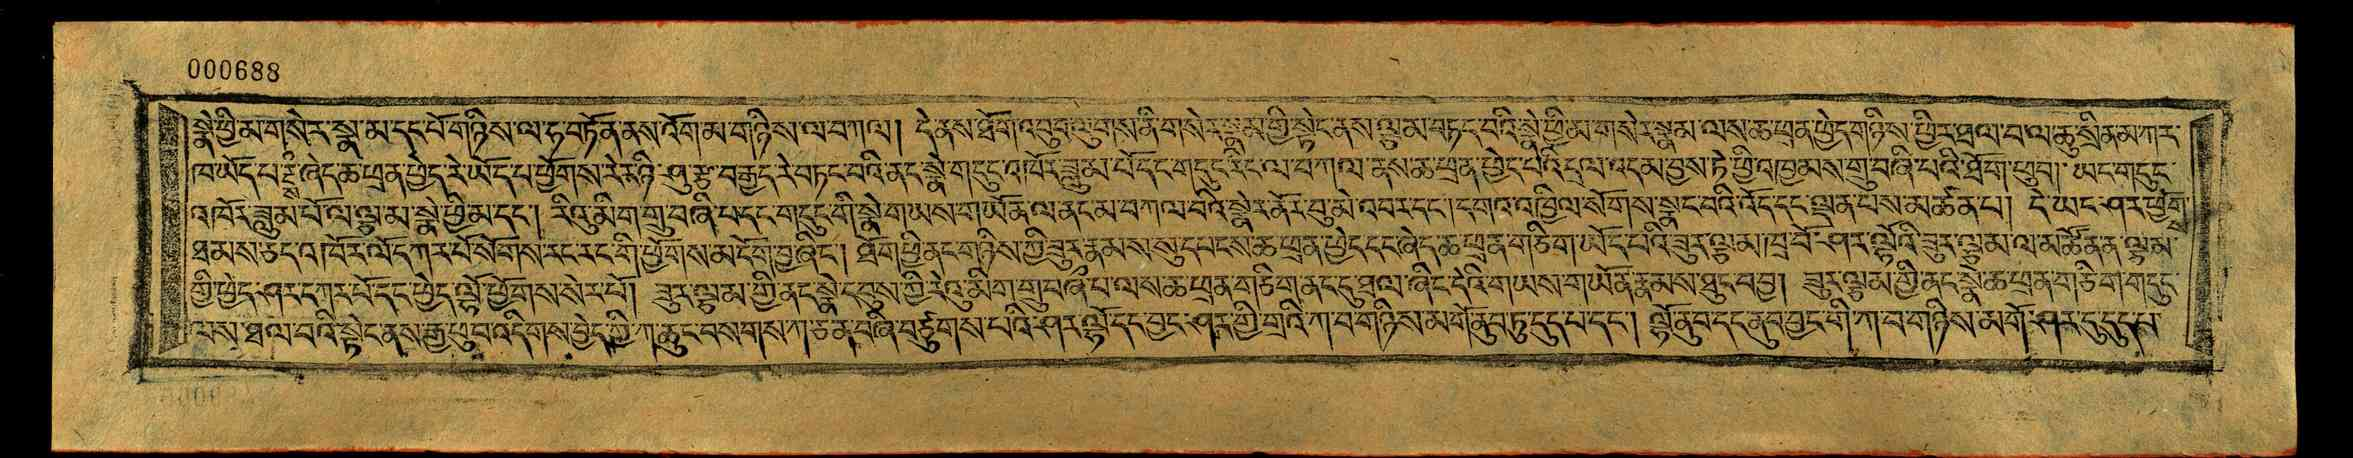སྣེ་ཕྱི་མ་གསེར་སྣ་མ་དང་པོ་གཉིས་ལ་ཧ་བཏོན་ནས་འོག་མ་གཉིས་ལ་བཀལ། དེ་ནས་ཐོག་འབུབ་ལུགས་ནི་གསེར་སྣམ་གྱི་སྟེང་ནས་ལྕམ་བཏང་བའི་སྣེ་ཕྱི་མ་གསེར་སྣམ་ལས་ཆ་ཕྲན་ཕྱེད་གཉིས་ཕྱིར་ཐལ་བ་ལ་ཆུ་སྲིན་མ་ཀ་རའི་
ཁ་ཡོད་པ་རྡཾས་ཞེང་ཆ་ཕྲན་ཕྱེད་རེ་ཡོད་པ་ཕྱོགས་རེར་ཉི་ཤུ་རྩ་བརྒྱད་རེ་བཏང་བའི་ནང་སྣེ་གདུང་འཁོར་ཟླུམ་པོ་དང་གདུང་རིང་ལ་བཀལ་ནས་ཆ་ཕྲན་ཕྱེད་པའི་དྲལ་འདམ་བྱས་ཏེ་ཕྱི་འཁྱམས་གྲུ་བཞི་པའི་ཐོག་ཕུབ། ཡང་གདུད་
འཁོར་ཟླུམ་པོ་ལ་ལྕམ་སྣེ་ཕྱི་མ་དང་། རེའུ་མིག་གྲུ་བཞི་པ་དང་གདུང་གི་སྣེ་གཡས་གཡོན་ལ་ནང་མ་བཀལ་བའི་སྣེར་ནོར་བུ་མེ་འབར་དང་། དགའ་འཁྱིལ་སོགས་སྣང་བའི་འོད་དང་ལྡན་པས་མཚན་པ། དེ་ཡང་ཤར་ཕྱོགས་
ཐམས་ཅད་འཁོར་ལོ་དཀར་པོ་སོགས་རང་རང་གི་ཕྱོགས་མདོག་བྱ་ཞིང་། ཐོག་ཕྱི་ནང་གཉིས་ཀྱི་ཟུར་རྣམས་སུ་དཔངས་ཆ་ཕྲན་ཕྱེད་དང་ཞེང་ཆ་ཕྲན་གཅིག་ཡོད་པའི་ཟུར་ལྕམ་ཁྲ་བོ་ཤར་ལྷོའི་ཟུར་ལྕམ་ལ་མཚོན་ན་ལྕམ་
གྱི་ཕྱེད་ཤར་དཀར་པོ་དང་ཕྱེད་ལྷོ་ཕྱོགས་སེར་པོ། ཟུར་ལྕམ་གྱི་ནང་སྣེ་དབུས་ཀྱི་རེའུ་མིག་གྲུ་བཞི་པ་ལས་ཆ་ཕྲན་གཅིག་ནང་དུ་ཐལ་ཞིང་དེའི་གཡས་གཡོན་རྣམས་ཐུང་བ་བྱ། ཟུར་ལྕམ་གྱི་ནང་སྣེ་ཆ་ཕྲན་གཅིག་གདུང་
ལས་ཐལ་བའི་སྟེང་ནས་རྒྱ་ཕུབ་འདེགས་བྱེད་ཀྱི་ཀ་ཆུང་བསེགས་ཀ་ཅན་བཞི་བཙུགས་པའི་ཤར་ལྷོ་དང་བྱང་ཤར་གྱི་གྲའི་ཀ་བ་གཉིས་མགོ་ནུབ་ཏུ་དུད་པ་དང་། ལྷོ་ནུབ་དང་ནུབ་བྱང་གི་ཀ་བ་གཉིས་མགོ་ཤར་དུ་དུད་པ་